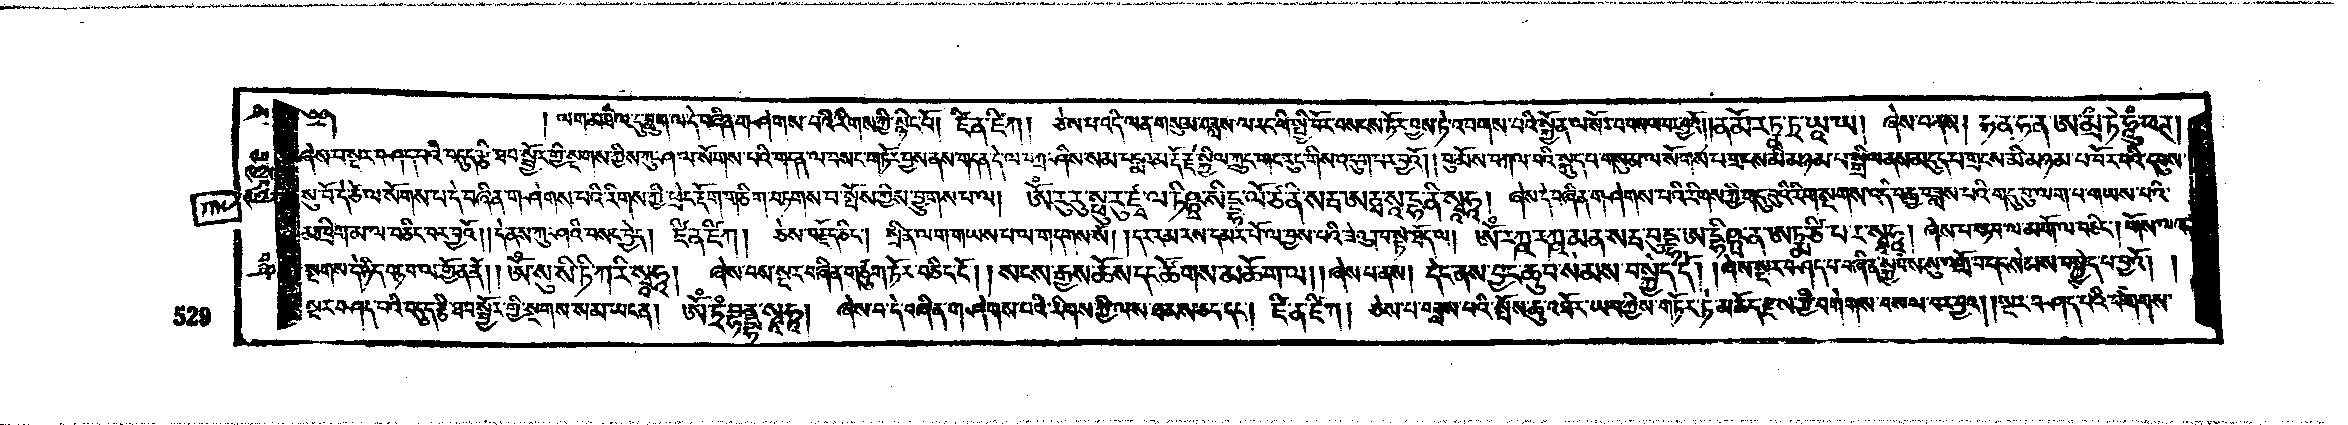༄༅། །ལག་མཐིལ་དུ་བླུག་ལ་དེ་བཞིན་གཤེགས་པའི་རིགས་ཀྱི་སྙིང་པོ། ཛི་ན་ཛི་ཀ ། ཅེས་པ་འདི་ལན་གསུམ་བཟླས་ལ་རང་གི་སྤྱི་བོར་བསངས་ཏོར་བྱས་ཏེ་འབགས་པའི་སྐྱོན་ལ་སོགས་པ་བསལ་བར་བྱའོ།  །ན་མོ་རཏྣ་ཏྲ་ཡཱ་ཡ། ཞེས་པ་ནས།  ཧ་ན་ཧ་ན་ཨ་མྲྀ་ཏེ་ཧཱུཾ་ཕཊ།
ཞེས་པ་སྔར་བཤད་པའི་བདུད་རྩི་ཐབ་སྦྱོར་གྱི་སྔགས་ཀྱིས་ཀུ་ཤ་ལ་སོགས་པའི་གདན་ལ་བསང་གཏོར་བྱས་ནས་གདན་དེ་ལ་བཀྲ་ཤིས་སམ་པདམའཾ་རྡོ་རྗེ་སྐྱིལ་ཀྲུང་གང་རུང་གིས་འདུག་པར་བྱའོ། །བུ་མོས་བཀལ་བའི་སྐུད་པ་གསུམ་ལ་སོགས་པ་གྲངས་མི་མཉམ་པ་སྒྲིལ་ནས་མདུད་པ་གྲངས་མི་མཉམ་པ་བོར་བའི་དབུས་
སུ་བོ་དེ་ཙེ་ལ་སོགས་པ་དེ་བཞིན་གཤེགས་པའི་རིགས་ཀྱི་ཕྲེང་རྡོག་གཅིག་བཏགས་པ་སྤོས་ཀྱིས་བྱུགས་པ་ལ། ཨོཾ་རུ་རུ་སྥུ་རུ་ཛྭ་ལ་ཏིཥཊཿཨ་སིདྡྷ་ལོ་ཙ་ནི་སརྦ་ཨརྠ་སཱ་དྷ་ནི་སྭཱཧཱ། ཞེས་དེ་བཞིན་གཤེགས་པའི་རིགས་ཀྱི་གདུ་བུའི་རིག་སྔགས་འདི་བརྒྱ་བཟླས་པའི་གདུ་བུ་ལག་པ་གཡས་པའི་
མཁྲིག་མ་ལ་བཅིང་བར་བྱའོ། །དེ་ནས་ཀུ་ཤའི་བསང་བྱེད། ཛི་ན་ཛི་ཀ། ཅེས་བརྗོད་ཅིང་། སྲིན་ལག་གཡས་པ་ལ་གདགས་སོ། །དར་རམ་རས་དམར་པོ་ལ་བྱས་པའི་ཟེའུ་ཁ་སྟེ་ཐོད་ལ།  ཨོཾ་རཀྵ་རཀྵ་མན་སརྦ་བུདྡྷ་ཨ་དྷི་ཥཊཿཨ་ན་ཨཏྨ་ཙི་པ་ར་སྭཱཧཱ། ཞེས་པ་བཏབ་ལ་མགོ་ལ་བཅིང་། གོས་ལ་འདུ་
སྔགས་དེ་ཉིད་བཏབ་ལ་གྱོན་ནོ། །ཨོཾ་སུ་སི་ཏི་ཀ་རི་སྭཱཧཱ། ཞེས་པས་སྔར་བཞིན་གཙུག་ཏོར་བཅིང་ངོ།  །སངས་རྒྱས་ཆོས་དང་ཚོགས་མཆོག་ལ། །ཞེས་པ་ནས།  དེང་ནས་བྱང་ཆུབ་སེམས་བསྐྱེད་དོ། །ཞེས་སྔར་བཤད་པ་བཞིན་སྐྱབས་སུ་འགྲོ་བ་དང་སེམས་བསྐྱེད་པ་བྱའོ། །
སྔར་བཤད་པའི་བདུད་རྩི་ཐབ་སྦྱོར་གྱི་སྔགས་སམ་ཡང་ན། ཨོཾ་ཏྲཾ་བྷནྡྷ་སྭཱཧཱ། ཞེས་པ་དེ་བཞིན་གཤེགས་པའི་རིགས་ཀྱི་ལས་ཐམས་ཅད་དང་།  ཛི་ན་ཛི་ཀ། ཅེས་པ་བཟླས་པའི་སྤོས་ཆུ་འཐོར་ཡབ་ཀྱིས་གཏོར་ཏེ་མཆོད་རྫས་ཀྱི་བགེགས་བསལ་བར་བྱའོ། །སྔར་བཤད་པའི་བགེགས་